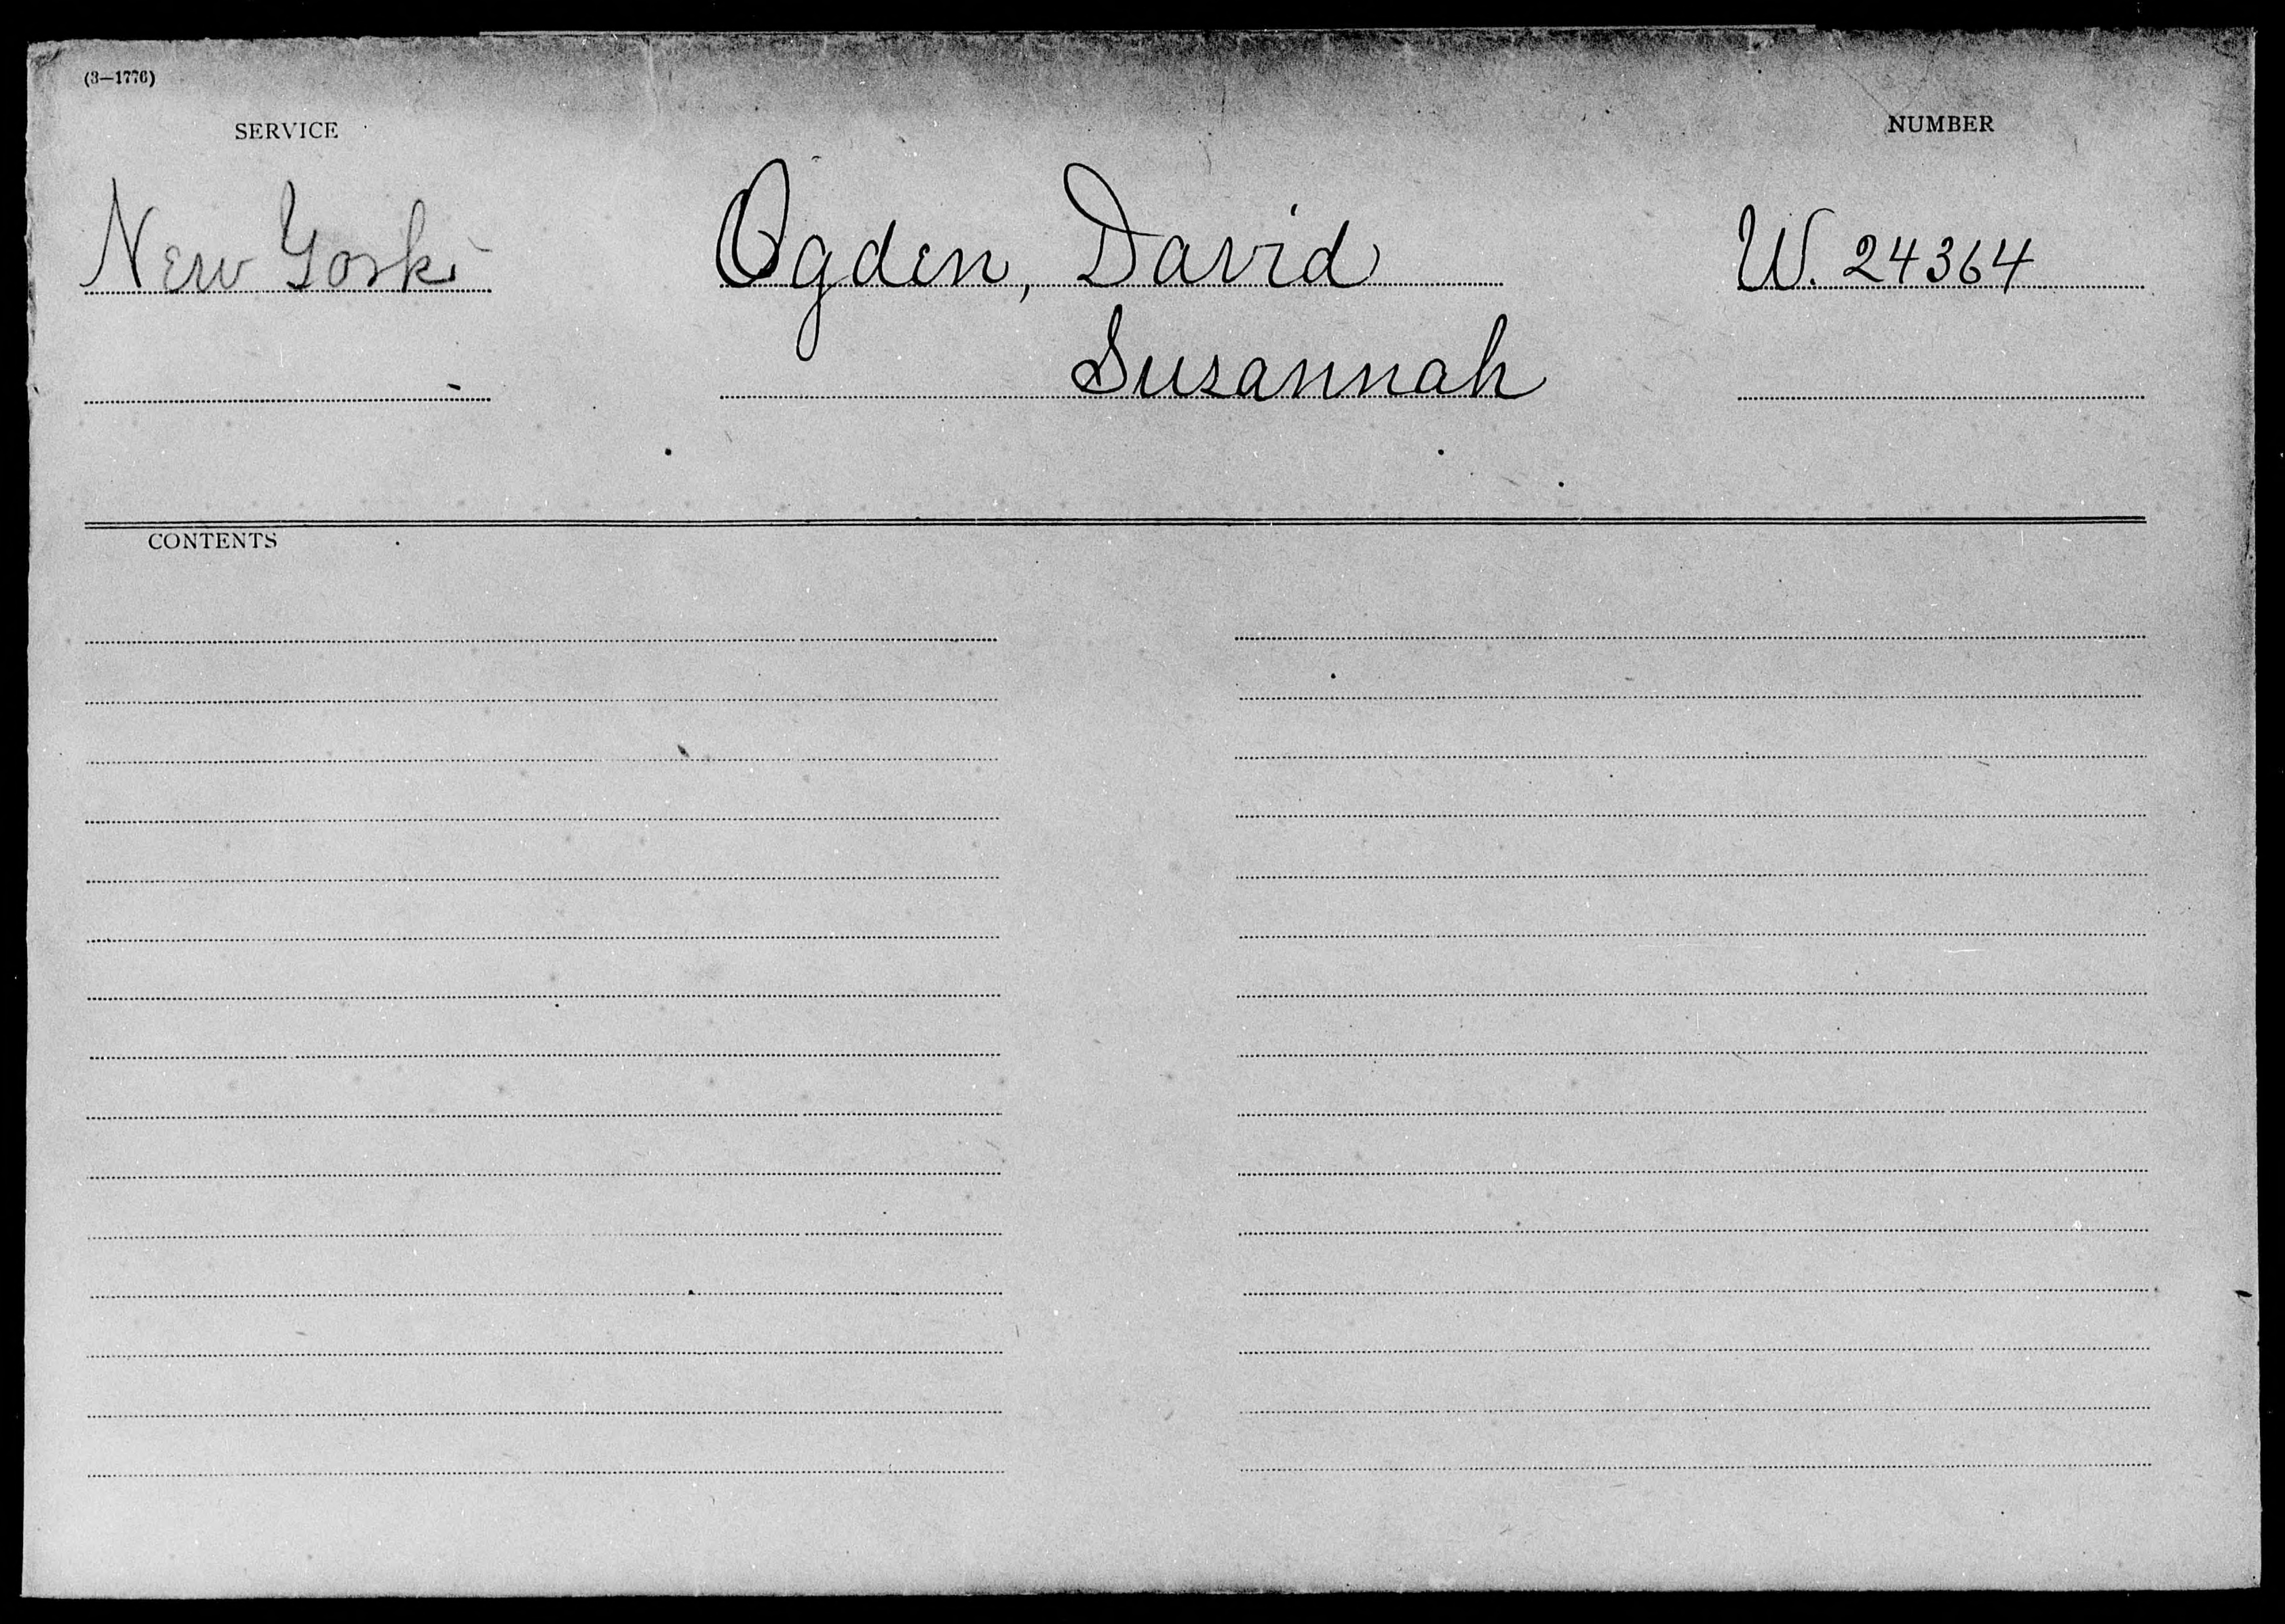(3 - 1776)

SERVICE
New York


Ogden, David
Susannah

NUMBER
W. 24364

CONTENTS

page: 1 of 40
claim: widow's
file: W. 24364, for David Ogden, New York